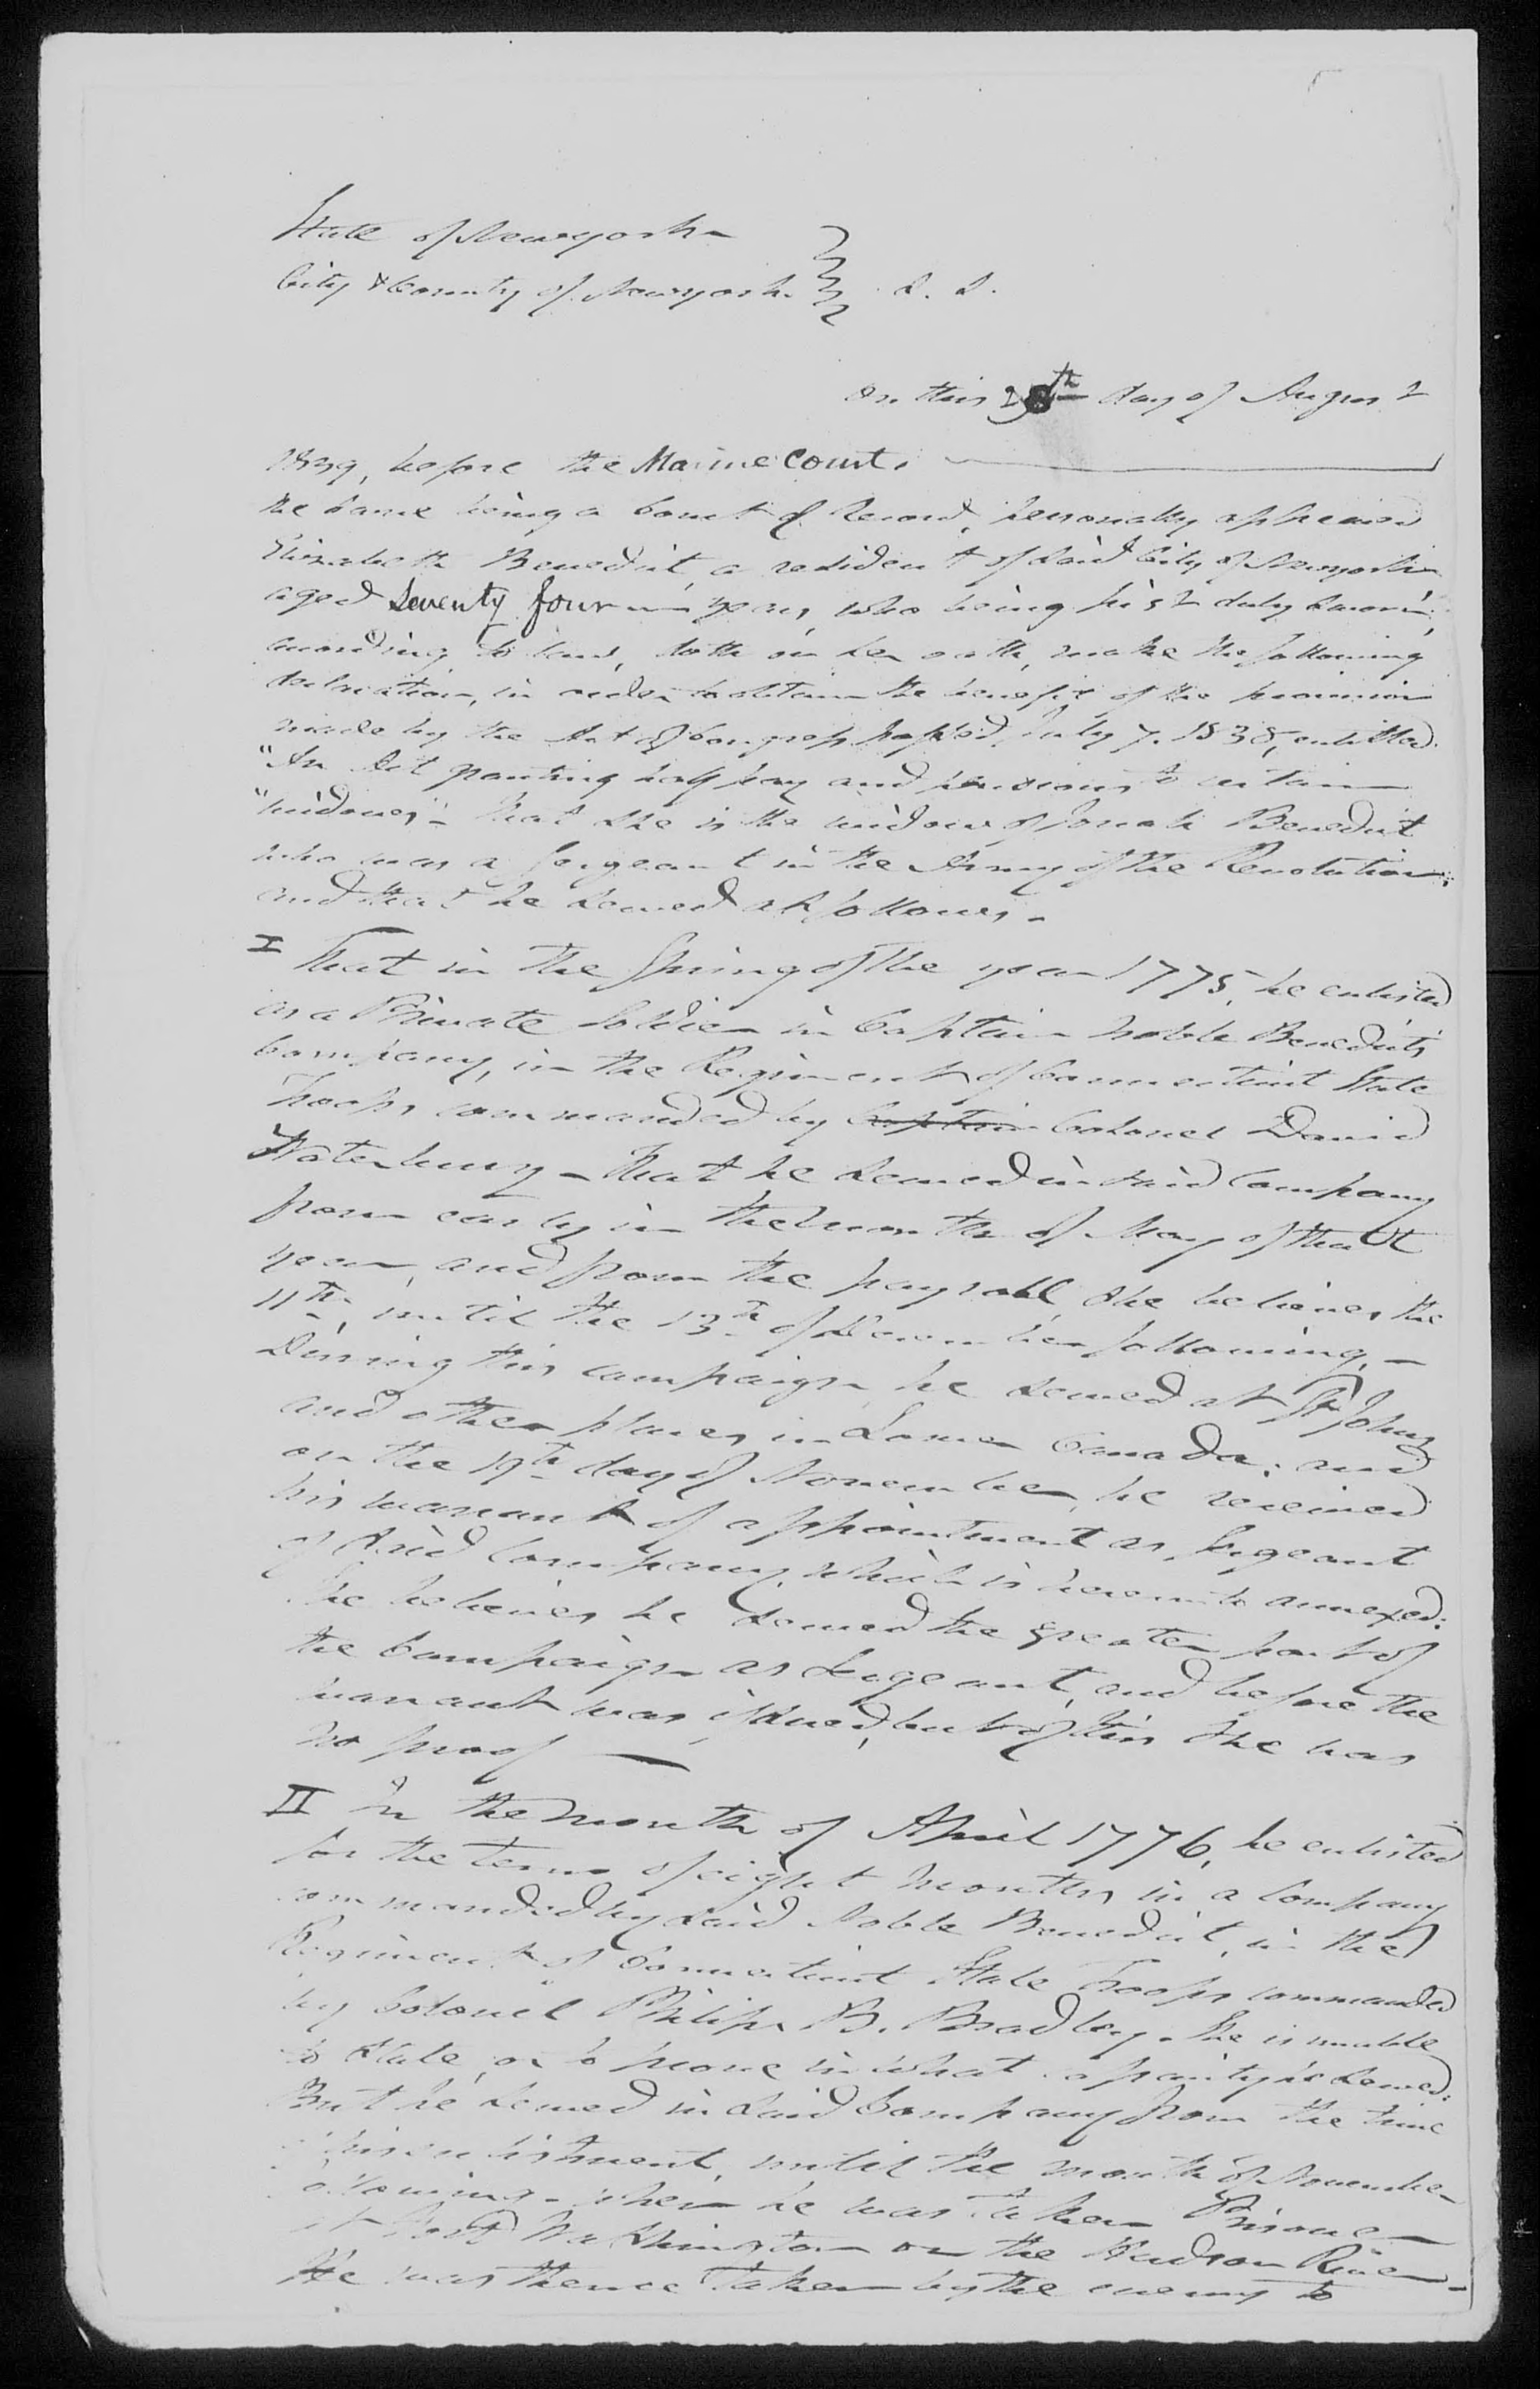State of New york              }
City & County of New York} S.S.

                          On this 28th day of August
1839, before the Marine Court.
the same being a Court of record personally appeared
Elizabeth Benedict a resident of said City of New York
aged Seventy four - years who being first duly sworn
according tolaw doth on her oath make the following
declaration in order to obtain the benefit of the provision
made by the Act of Congress passed July 7, 1838, entitled
"An act granting half pay and pensions to certain
widows - that She is the widow of Jonah Benedict
who was a Sergeant in the Army of the Revolution
and that he served as follows
1. That in the spring of the year 1775 he enlisted
as a Private Soldier in Captain Noble Benedicts
Company, in the Regiment of Connecticut State
Troops commanded by Colonel David
Waterbury - that he served in said Company
from early in the month of May of the
year and from the pay roll she believes the
11th until the 13th of December following -
During this campaign he served at St Johns
and other places in Lower Canada recd
on the 19th day of November he received
his warrant of appointment as Sergeant
of said company which is hereto annexed
She believes he served the greater part of
the Campaign as Sergeant and before the
?????? but of this she has
no proof
2. In the month of April 1776, he enlisted
for the term of eight months in a company
and by said Noble Benedict in the
Regiment of State Troops Commanded
by Colonel Philip B. Bradley, She is unable
to state or to prove in what he participated
But he served in said Company from the time
of his enlistment until the month of November
following when he was taken prisoner
at Fort Washington on the Hudson River
he was thence taken by the enemy to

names: Noble Benedict, Jonah Benedict, Elizabeth Benedict, David Waterbury, Noble Benedict, Philip B Bradley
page: 3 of 56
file: [ILLEGIBLE], Jonah Benedict, Conn.